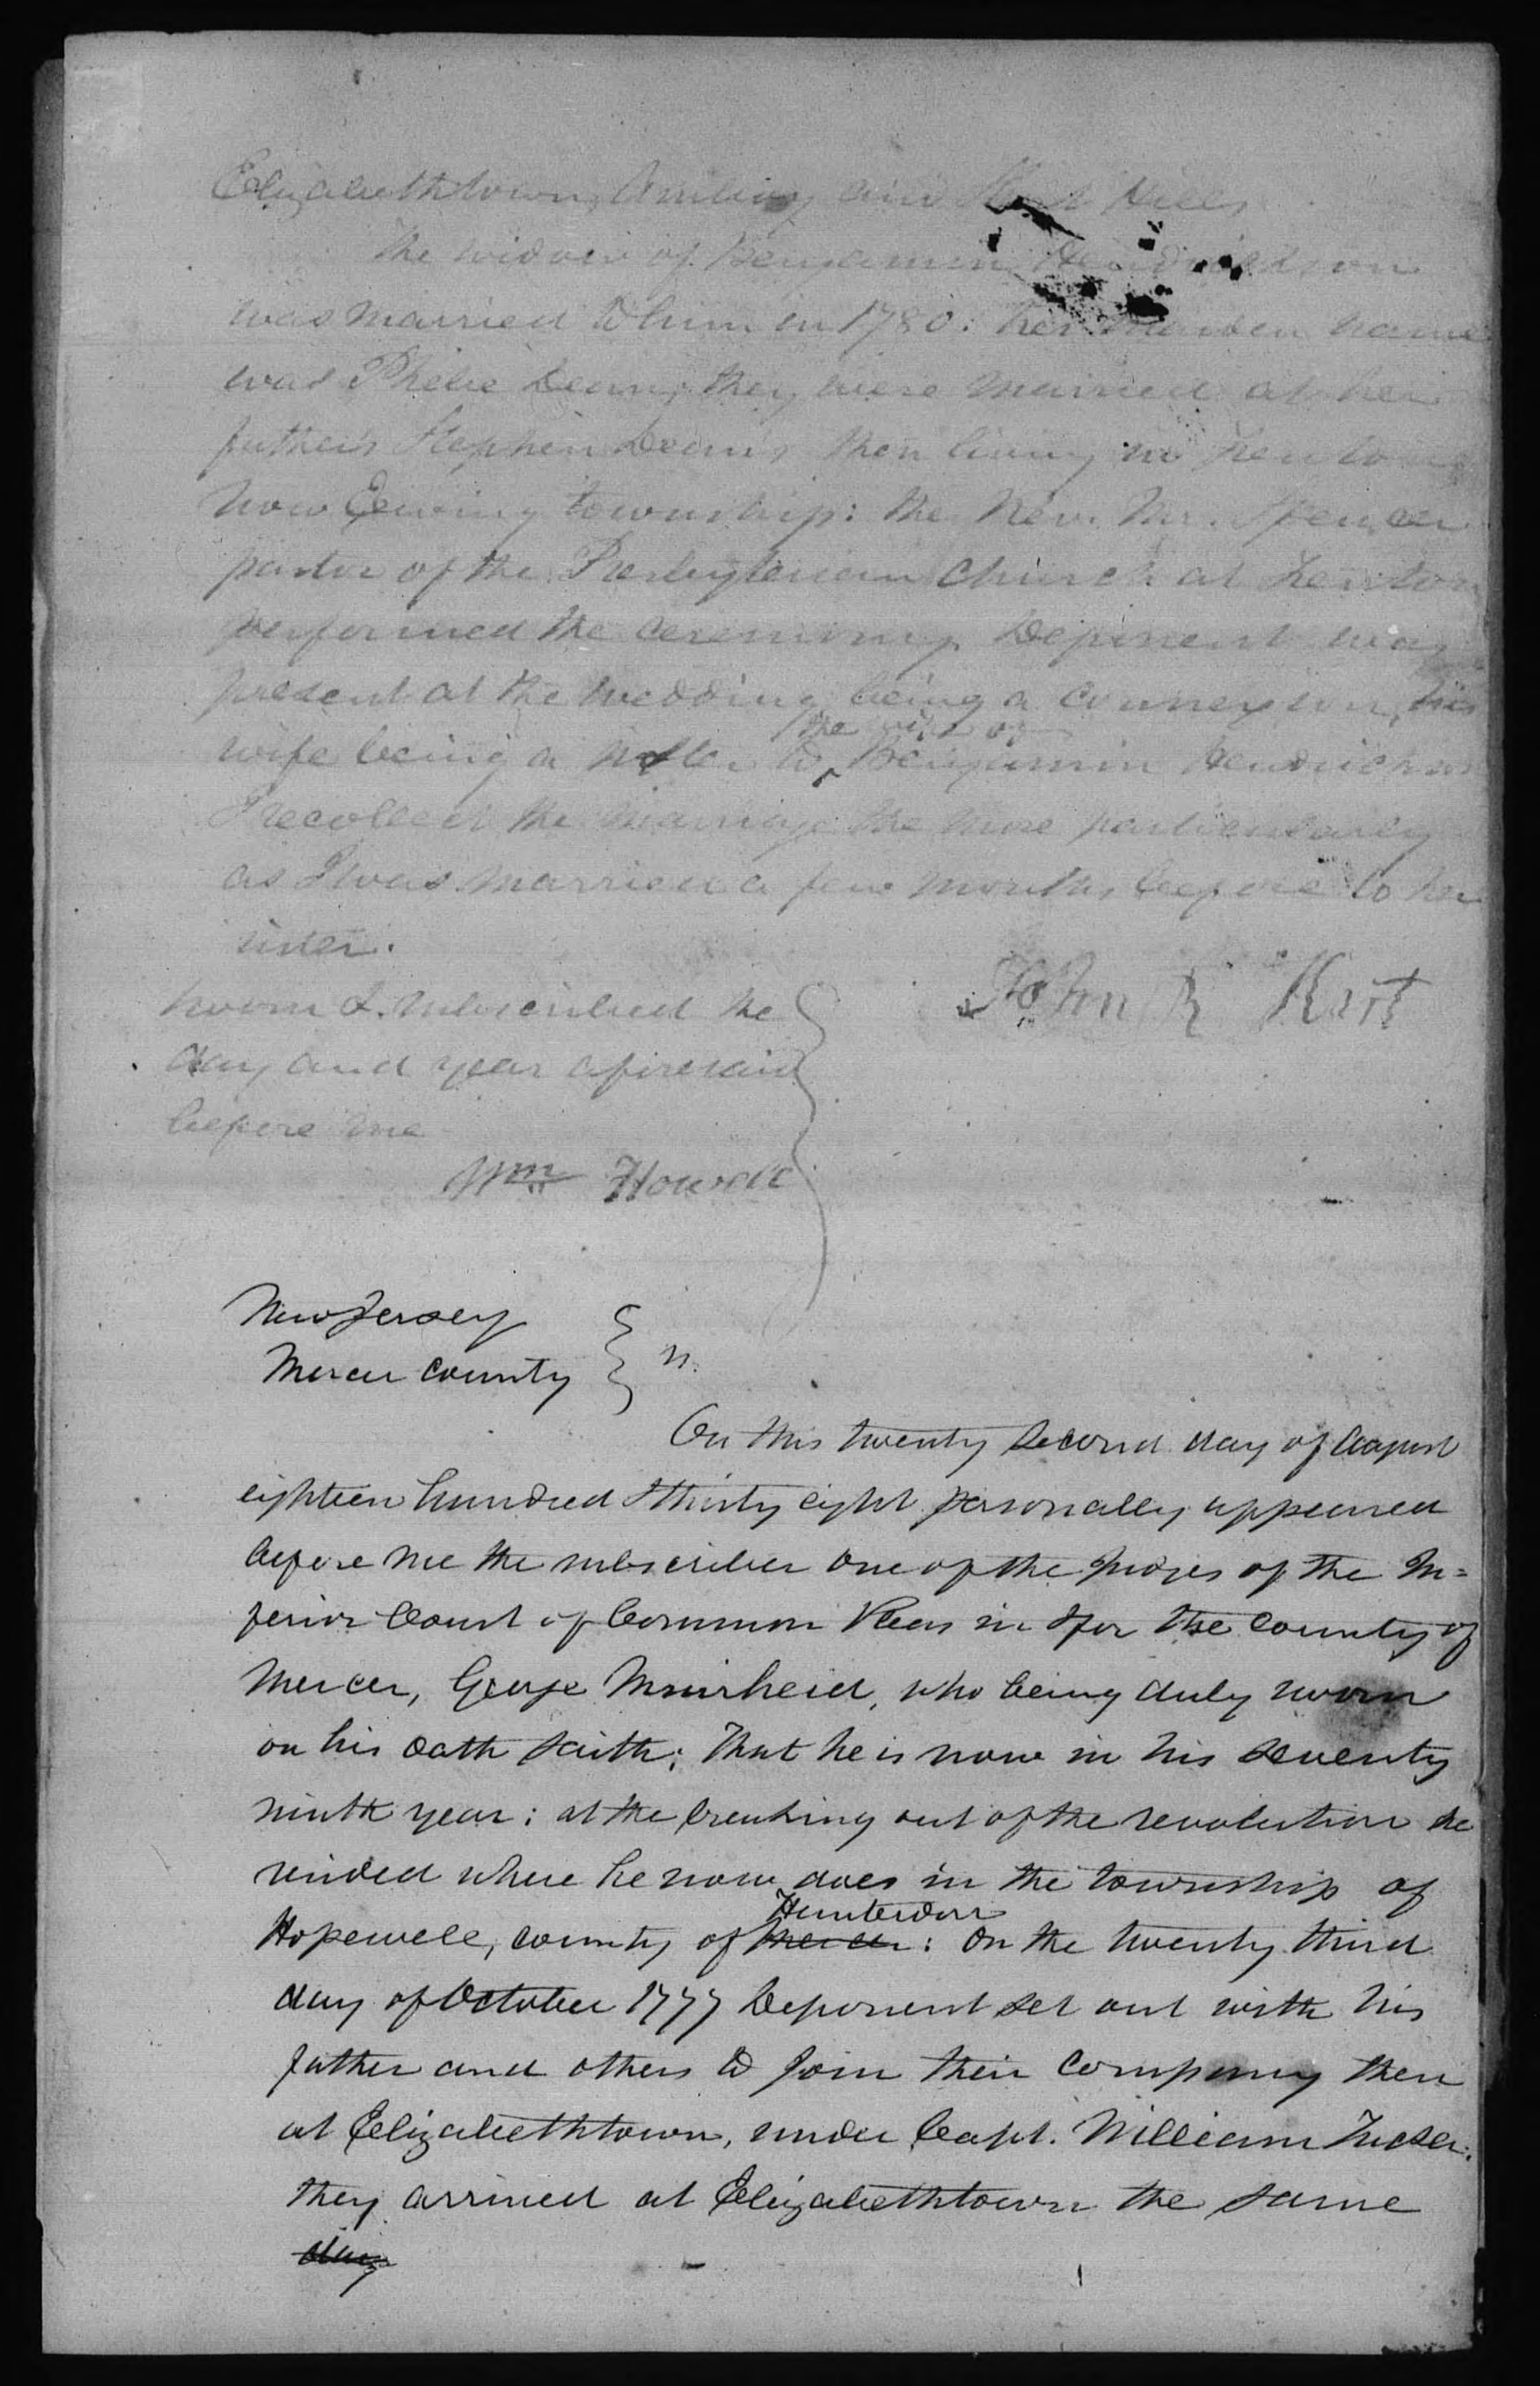Elizabethtown, Amboy and [Illegible] Hills.
The widow of Benjamin Hendrickson was married to him in 1780: her maiden name was Phebe Dean; they were married at her father's Stephen Dean's then living in Trenton now Ewing township: the Rev. Mr. Spencer pastor of the Presbyterian Church at Trenton performed the ceremony. Deponent was present at the wedding being a [Illegible], his wife being a sister to the wife of Benjamin Hendrickson. I recollect the marriage the more particularly as I was married a few months before to her sister.
John R. Hart

Sworn & subscribed the}
day and year aforesaid}
before me}
Wm.. Howell

New Jersey}
Mercer County} ss.


On this twenty second day of August
eighteen hundred & thirty eight personally appeared before me the subscriber one of the Judges of the Inferior Court of Common Pleas in & for the County of Mercer, George Muirherd, who being duly sworn on his oath saith. That he is now in his seventy ninth year; at the breaking out of the revolution he resided where he now does in the township of Hopewell, County of Hunterdon: on the twenty third
day of October 1777 deponent set out with his
father and others to Join their company then
at Elizabethtown, under Capt. William Tucker;
they arrived at Elizabethtown the same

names: John Hart, Benjamin Hendrickson, Benjamin Hendrickson, Wm Howell, Stephen Dean, George Muirheid, William Tucker, Phebe Dean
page: 7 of 20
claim: rejected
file: R. 4884, Benjamin Hendrickson, New Jersey